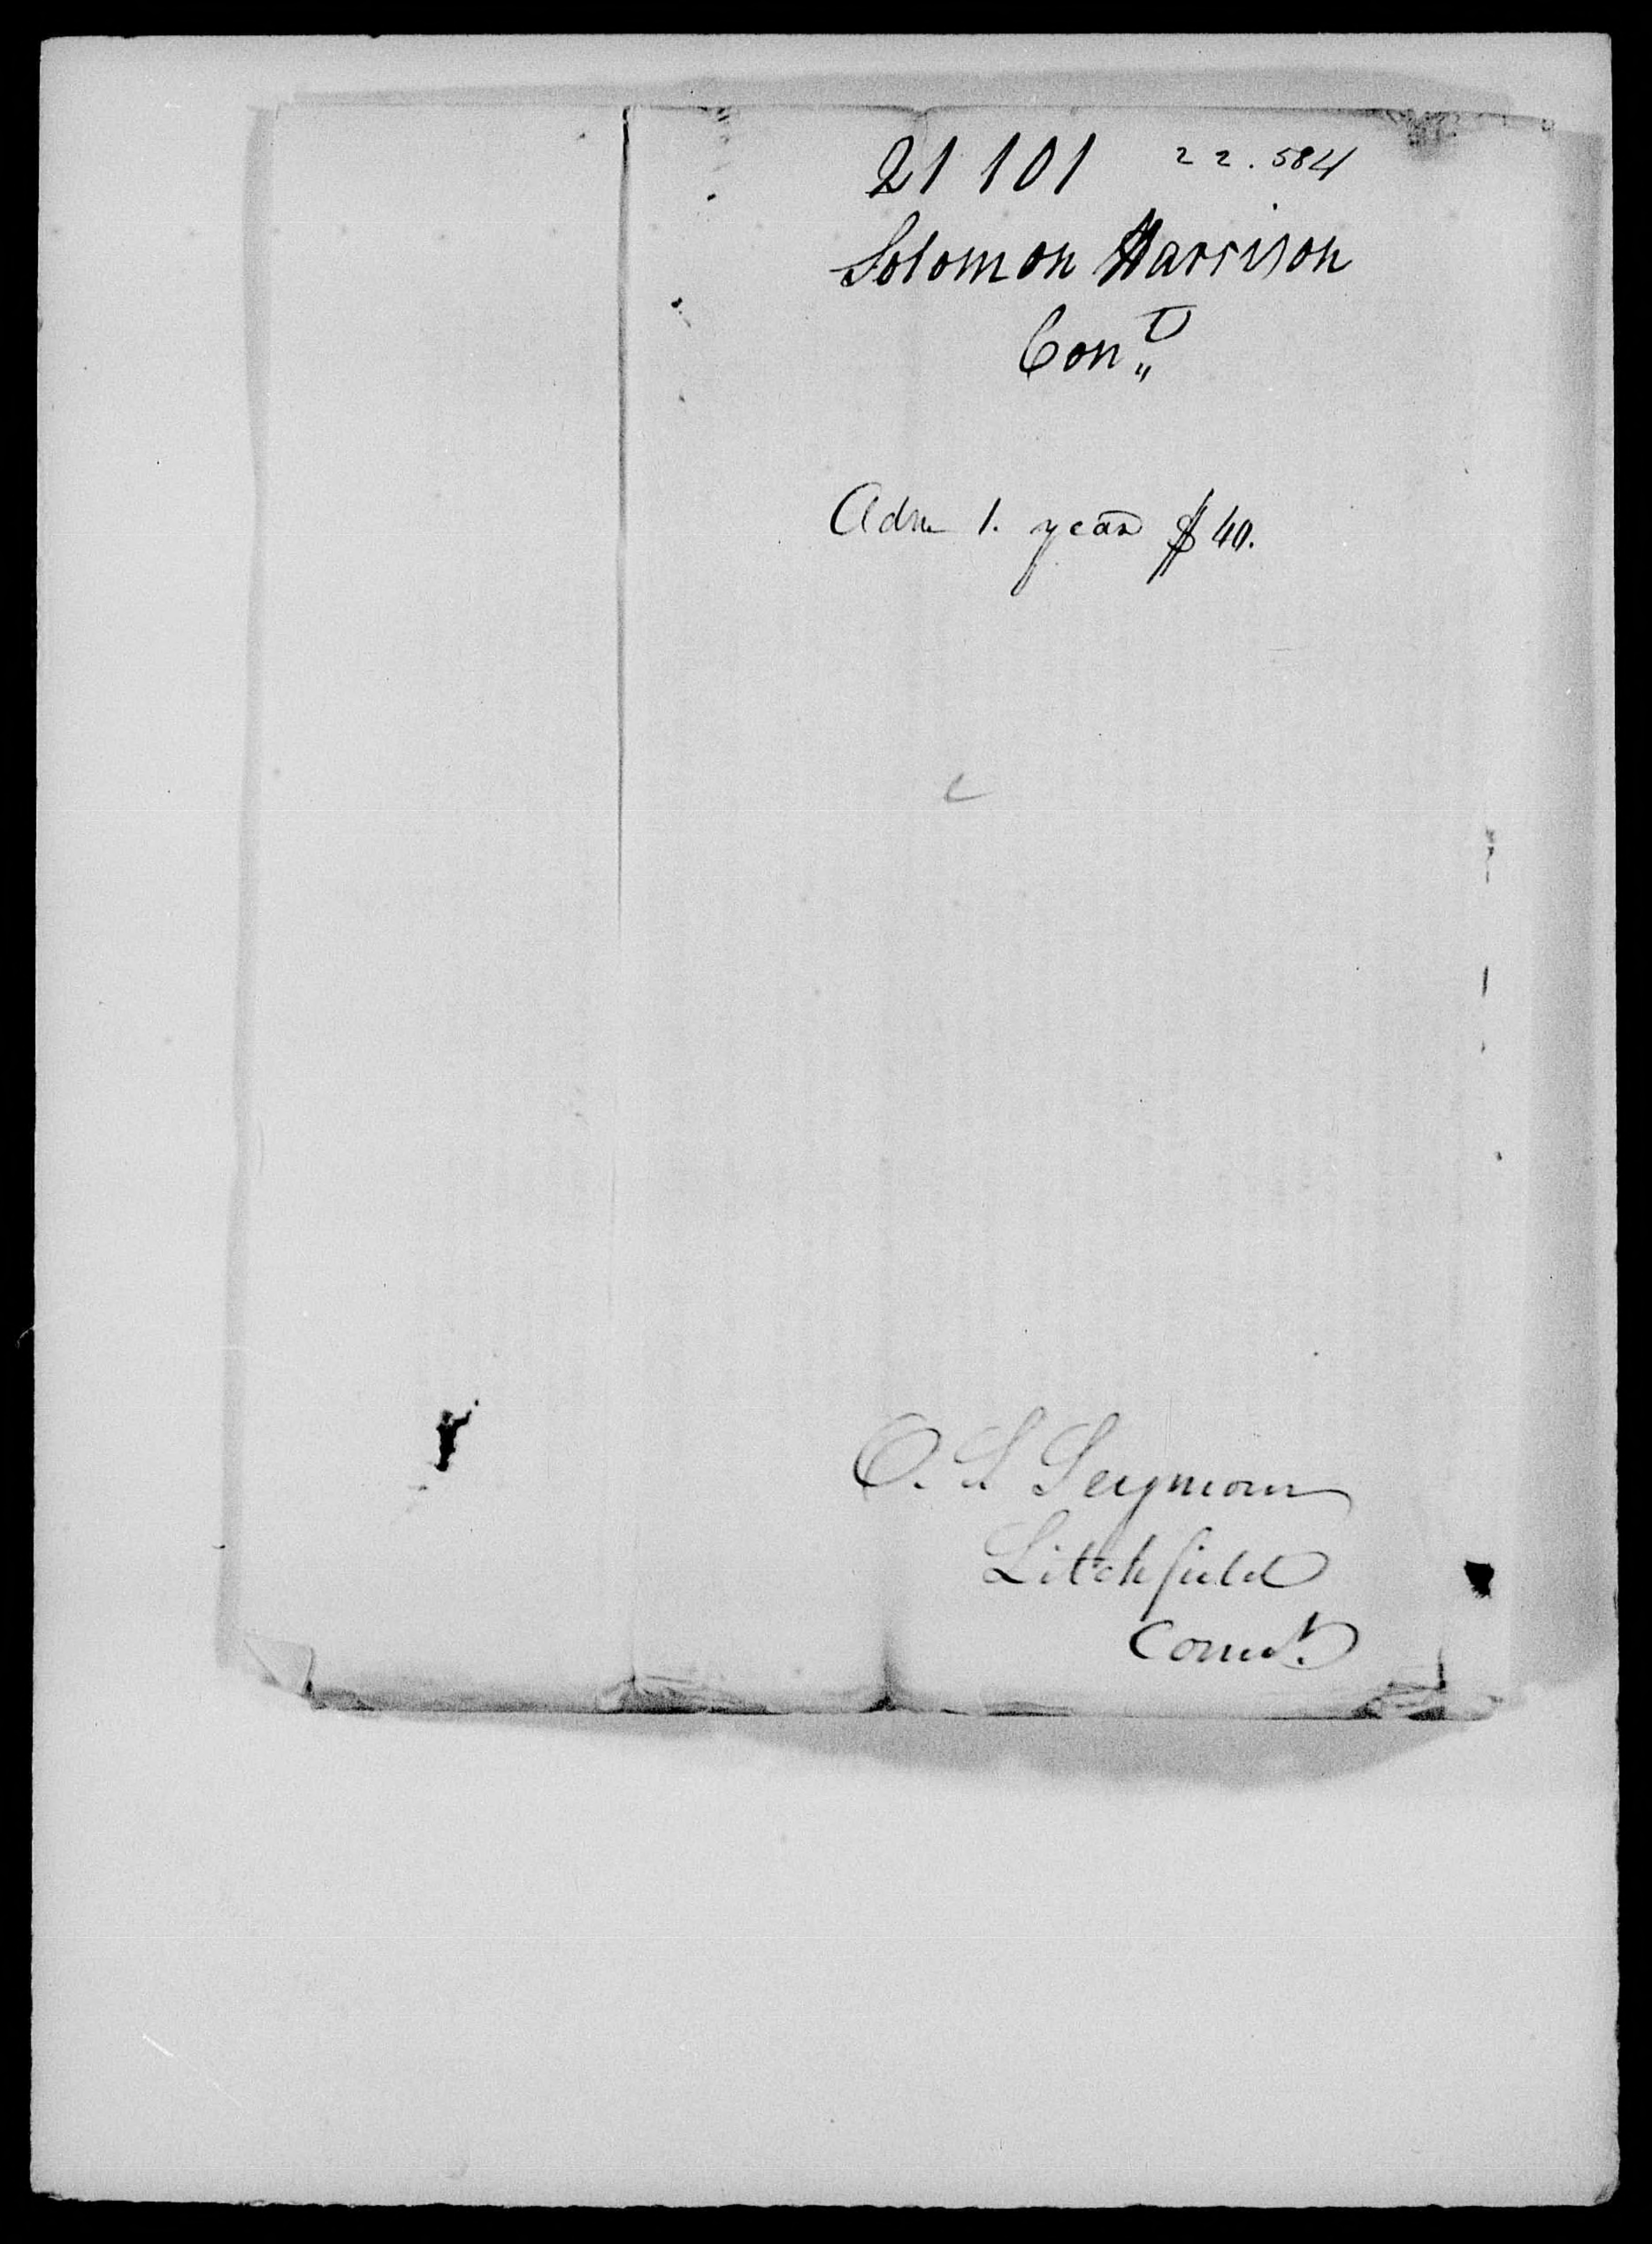21 101 22.584
Solomon Harrison
Cont
Adm 1. year $40
O. S. Seymour
Litchfield
Connt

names: Solomon Harrison, O S Seymour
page: 7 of 22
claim: survivor's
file: S. 16137, Solomon Harrison, Conn.